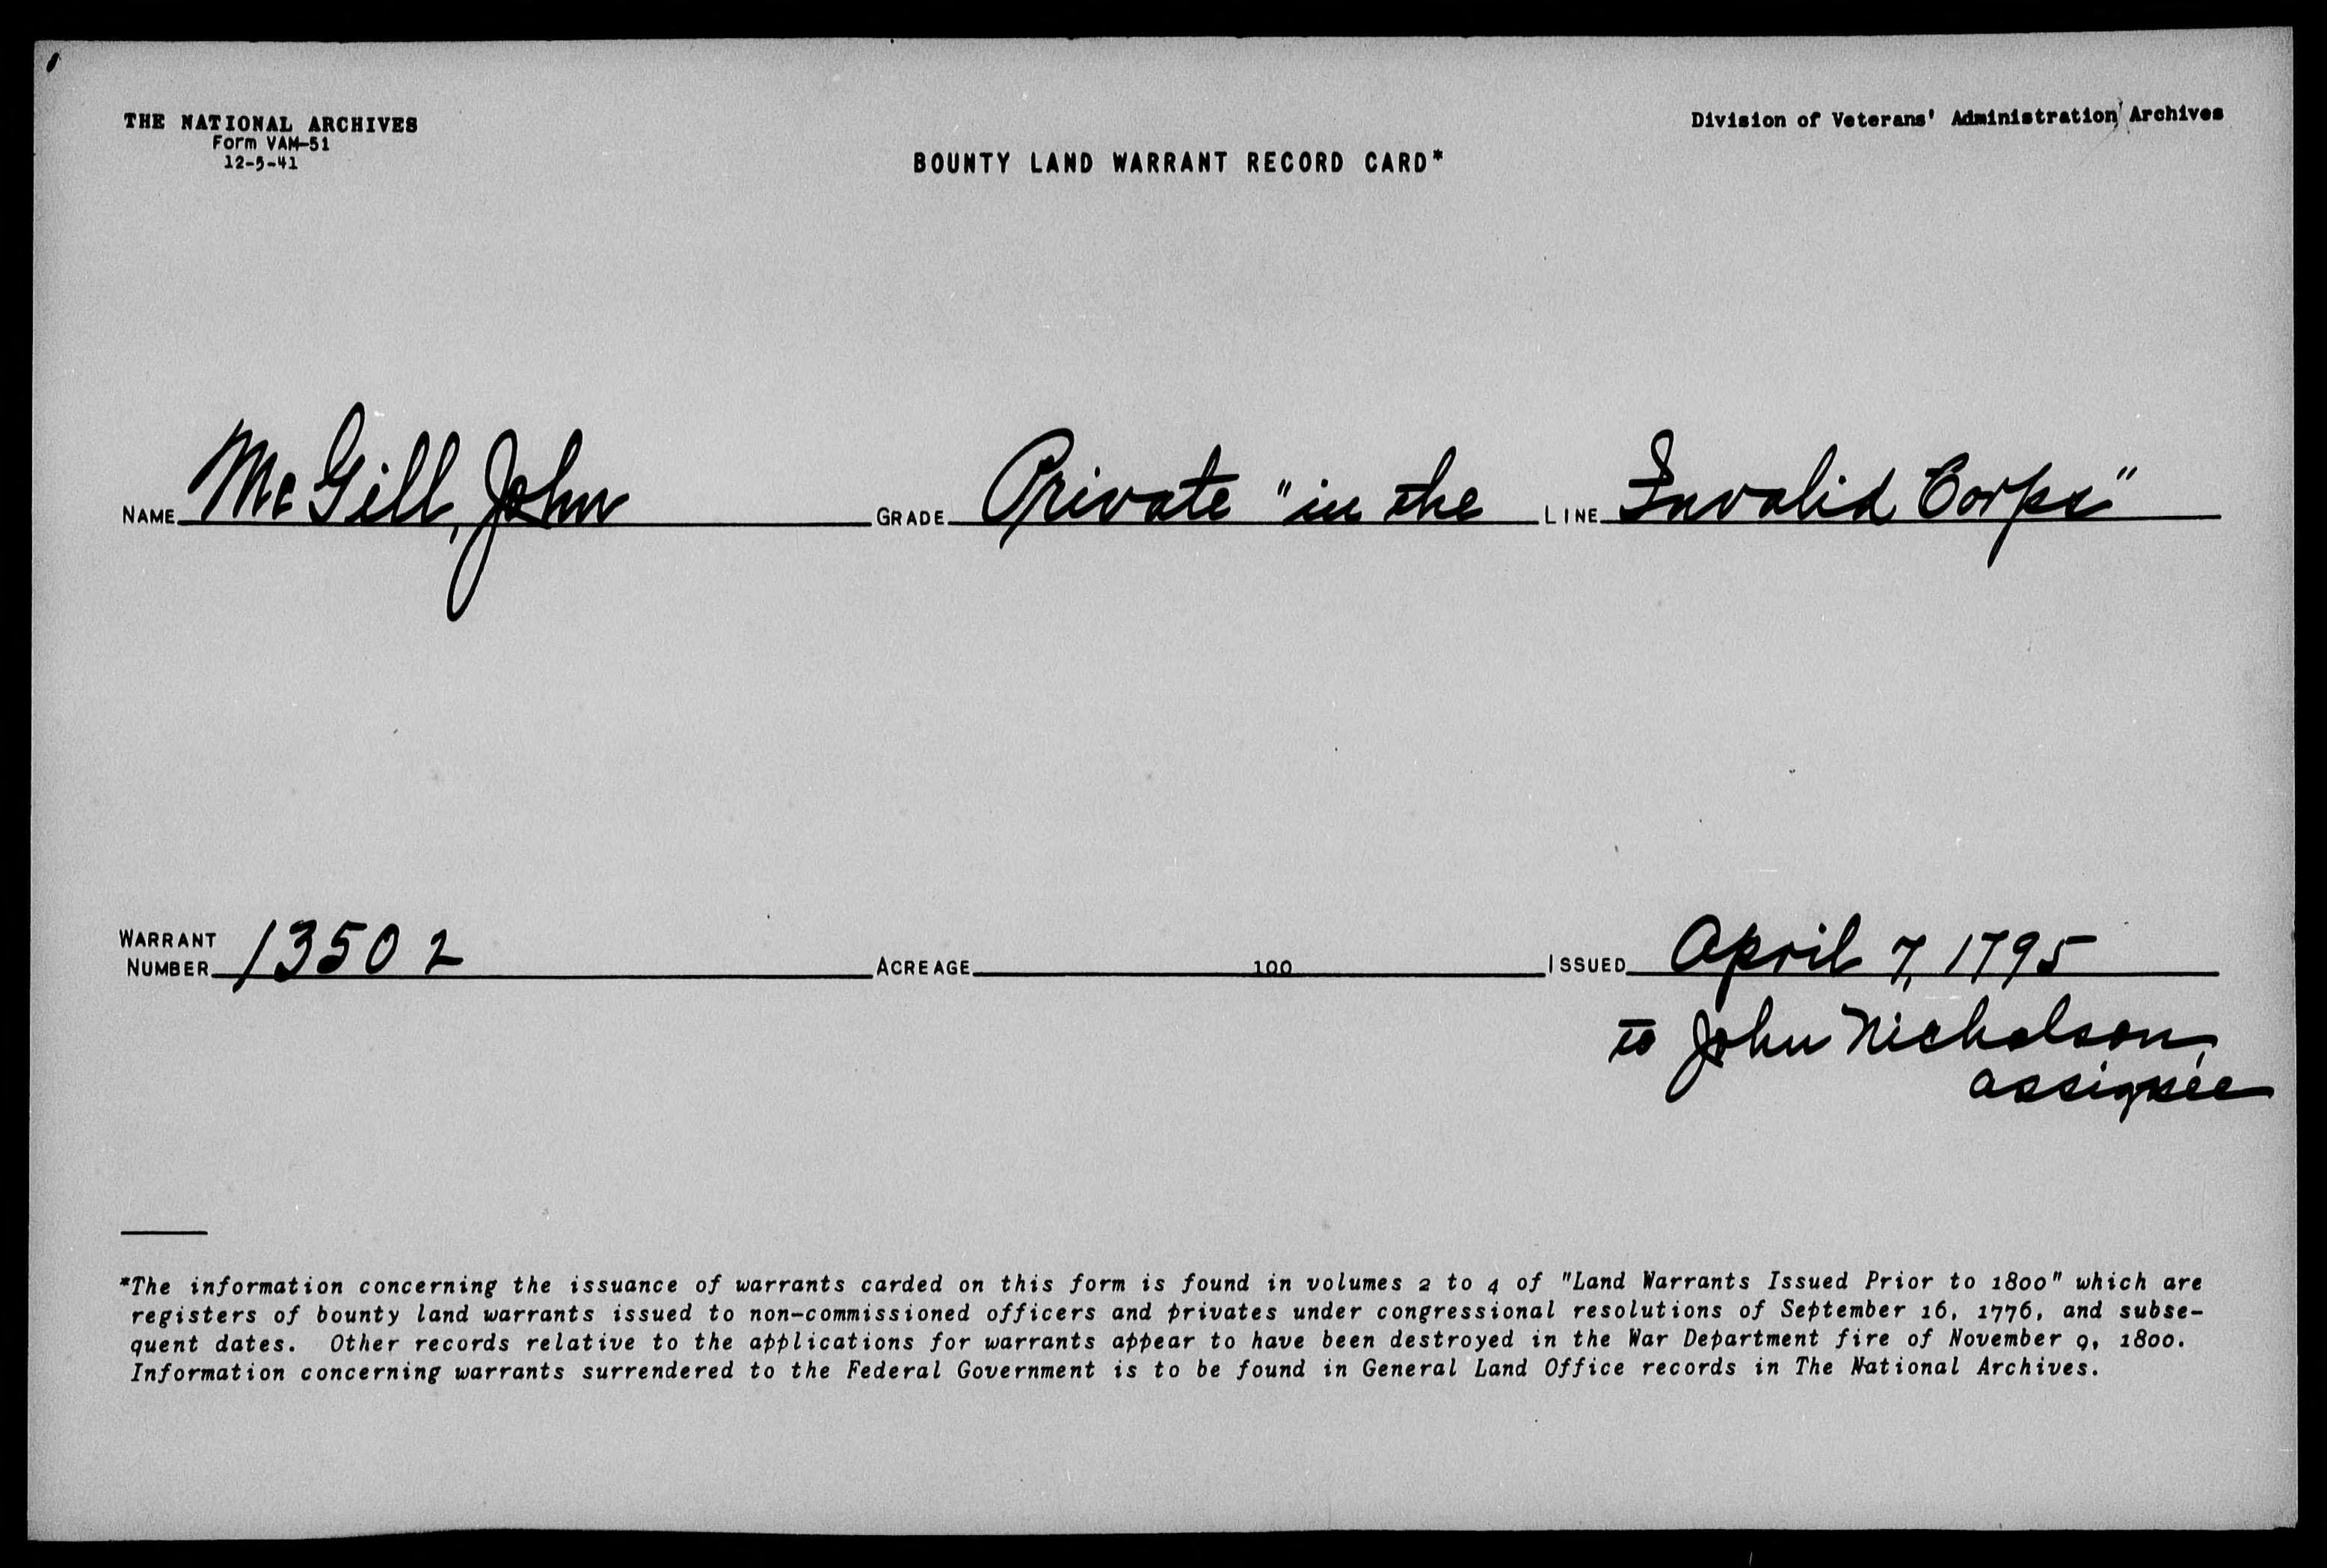[Images 4160873_00128.jp and 
4160873_00129.jp are misplaced.

These images should be placed in the files of McGill, John, not McGill, James.  

 John McGill's pension number is S4189.]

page: 70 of 71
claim: widow's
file: W. 8428, for James Mc Gill, Pennsylvania